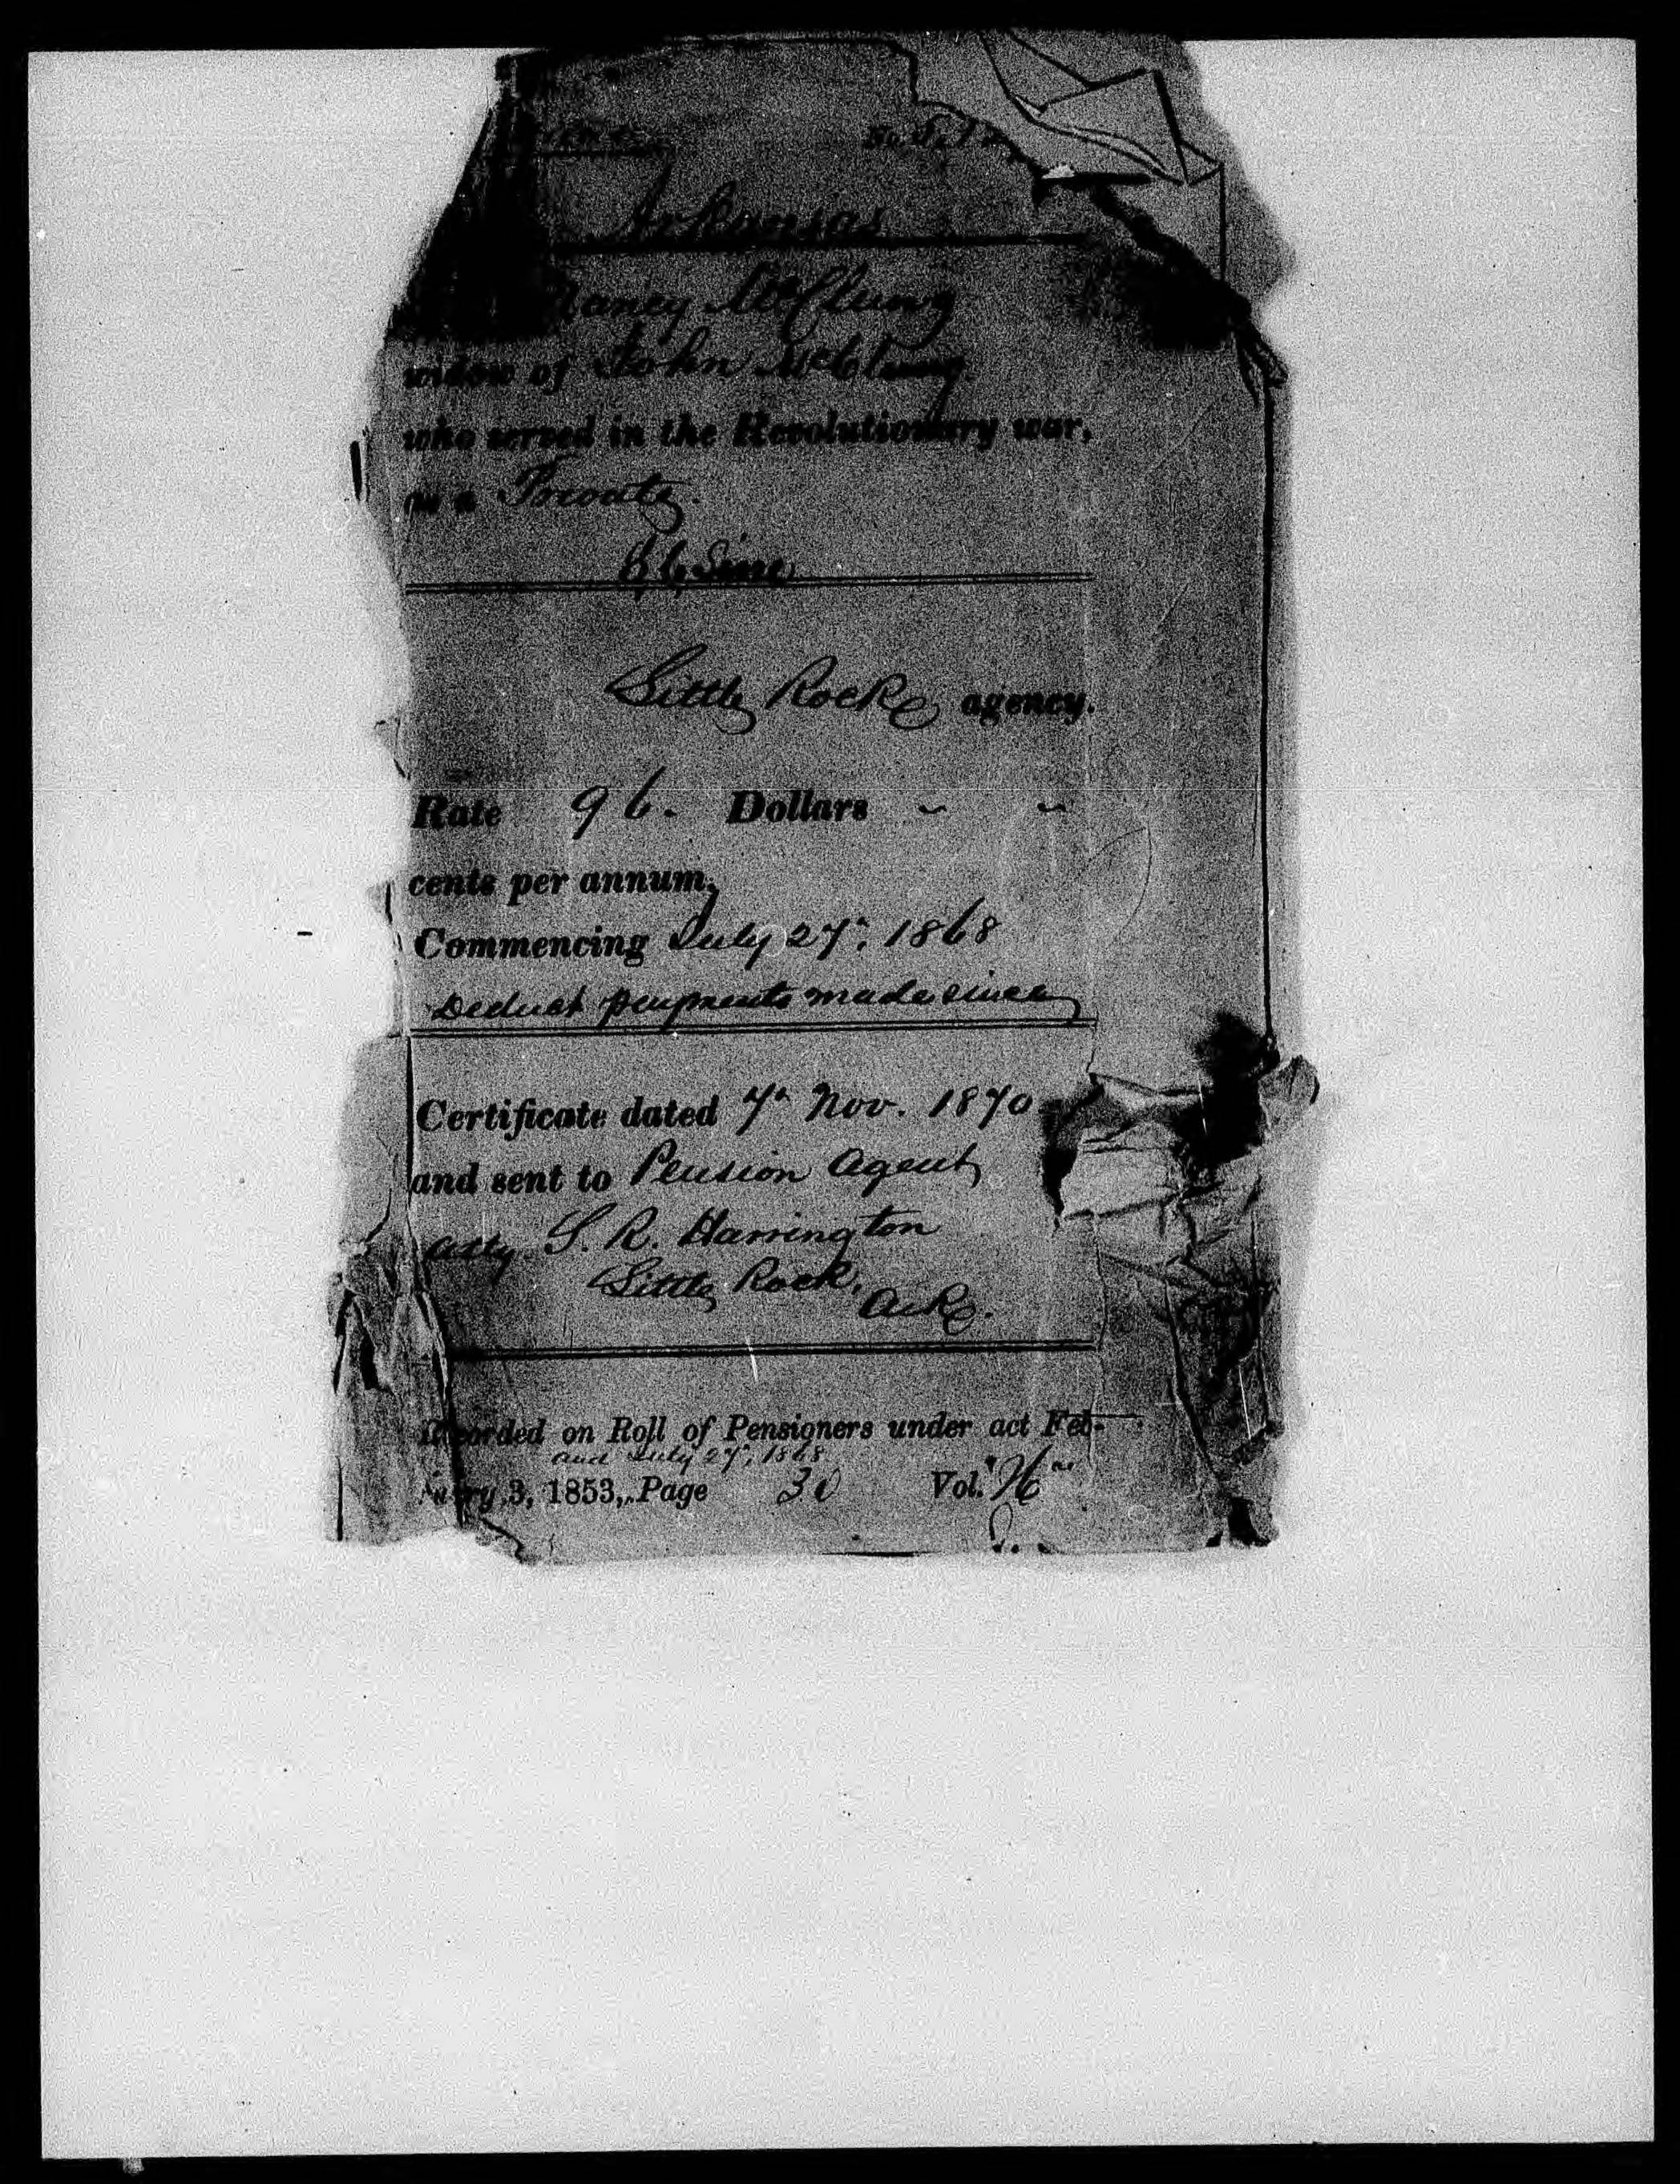[illegible]
Arkansas

Nancy McClung 
widow of John McClung 
who served in the Revolutionary war, 
as a Private
SC Service

Little Rock agency.
Rate 96. Dollars --
cents per annum. 
Commencing July 27, 1868
Deduct payments made since

Certificate dated 7" Nov. 1870 
and sent to Pension Agent 
Atty. S. R. Harrington 
Little Rock, 
Ark.

Recorded on Roll of Pensioners under act Feb
ruary 3, 1853, and July 17, 1868, Page 30 Vol. H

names: John Mc Clung; Nancy Mc Clung; S R Harrington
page: 3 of 115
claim: widow's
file: W. 1446, for John Mc Clung, South Carolina